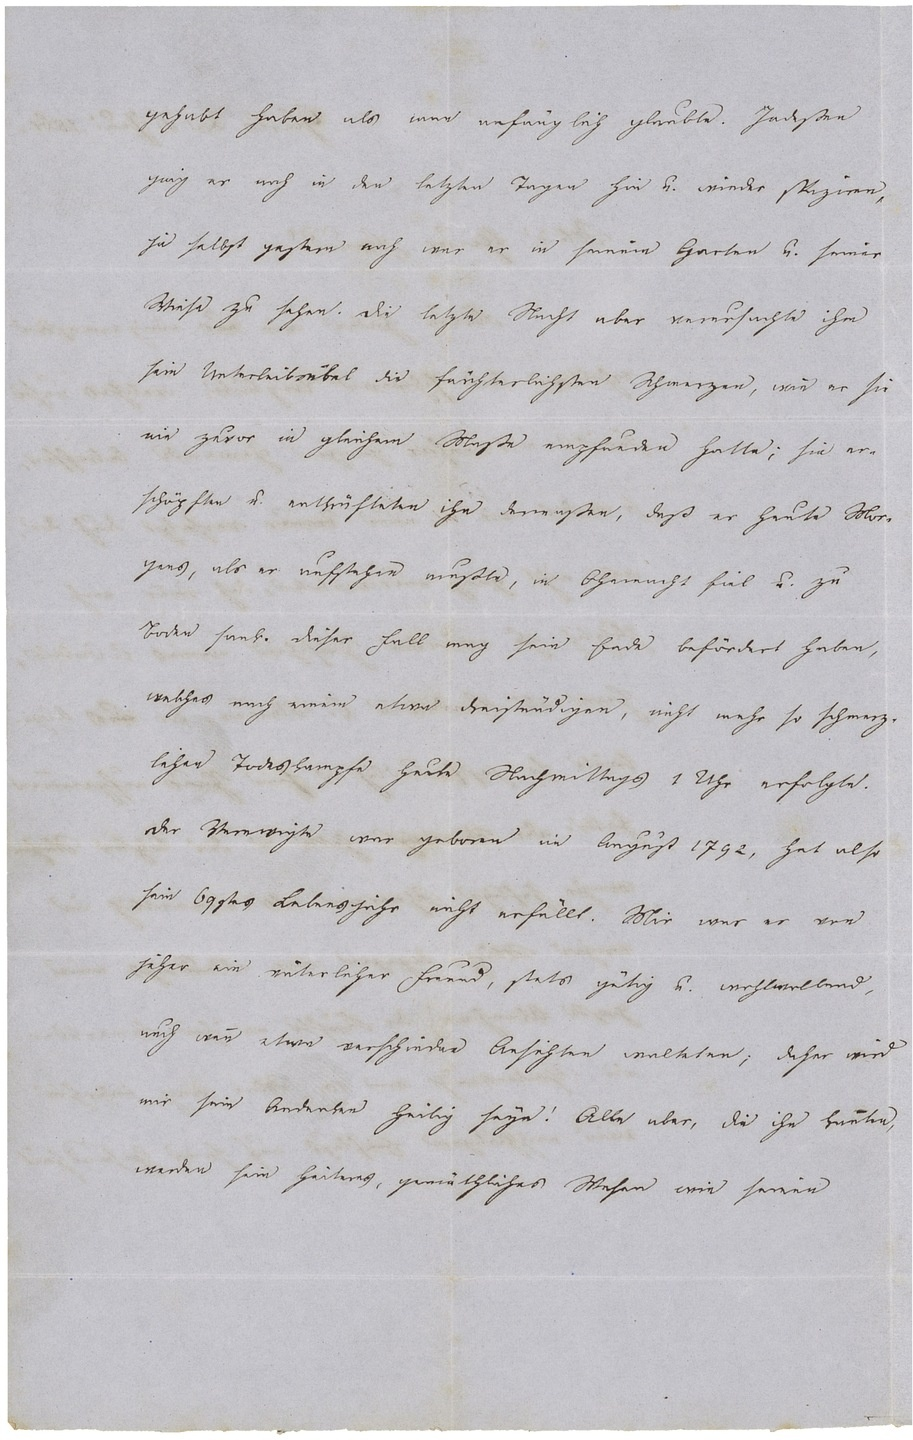gehabt haben als man anfänglich glaubte. Indessen
ging er noch in den letzten Tagen hin u. wieder spaziren,
ja selbst gestern noch war er in seinem Garten u. seiner
Wiese zu sehen. Die letzte Nacht aber verursachte ihm
sein Unterleibsübel die fürcherlichsten Schmerzen, wie er sie
nie zuvor in gleichem Maße empfunden hatte; sie er-
schöpften u. entkräfteten ihn dermaßen, daß er heute Mor-
gens, als er aufstehen mußte, in Ohnmacht fiel u. zu
Boden sank. Dieser Fall mag sein Ende befördert haben,
welches nach einem etwa dreistündigen, nicht mehr so schmerz-
lichen Todeskampfe heute Nachmittags 1 Uhr erfolgte.
Der Verewigte war geboren im August 1792, hat also
sein 69tes Lebensjahr nicht erfüllt. Mir war er von
jeher ein väterlicher Freund, stets gütig u. wohlwollend,
auch wenn etwa verschiedne Ansichten walteten; daher wird
mir sein Andenken heilig seyn! Alle aber, die ihn kannten,
werden sein heiteres, gemüthliches Wesen wie seinen